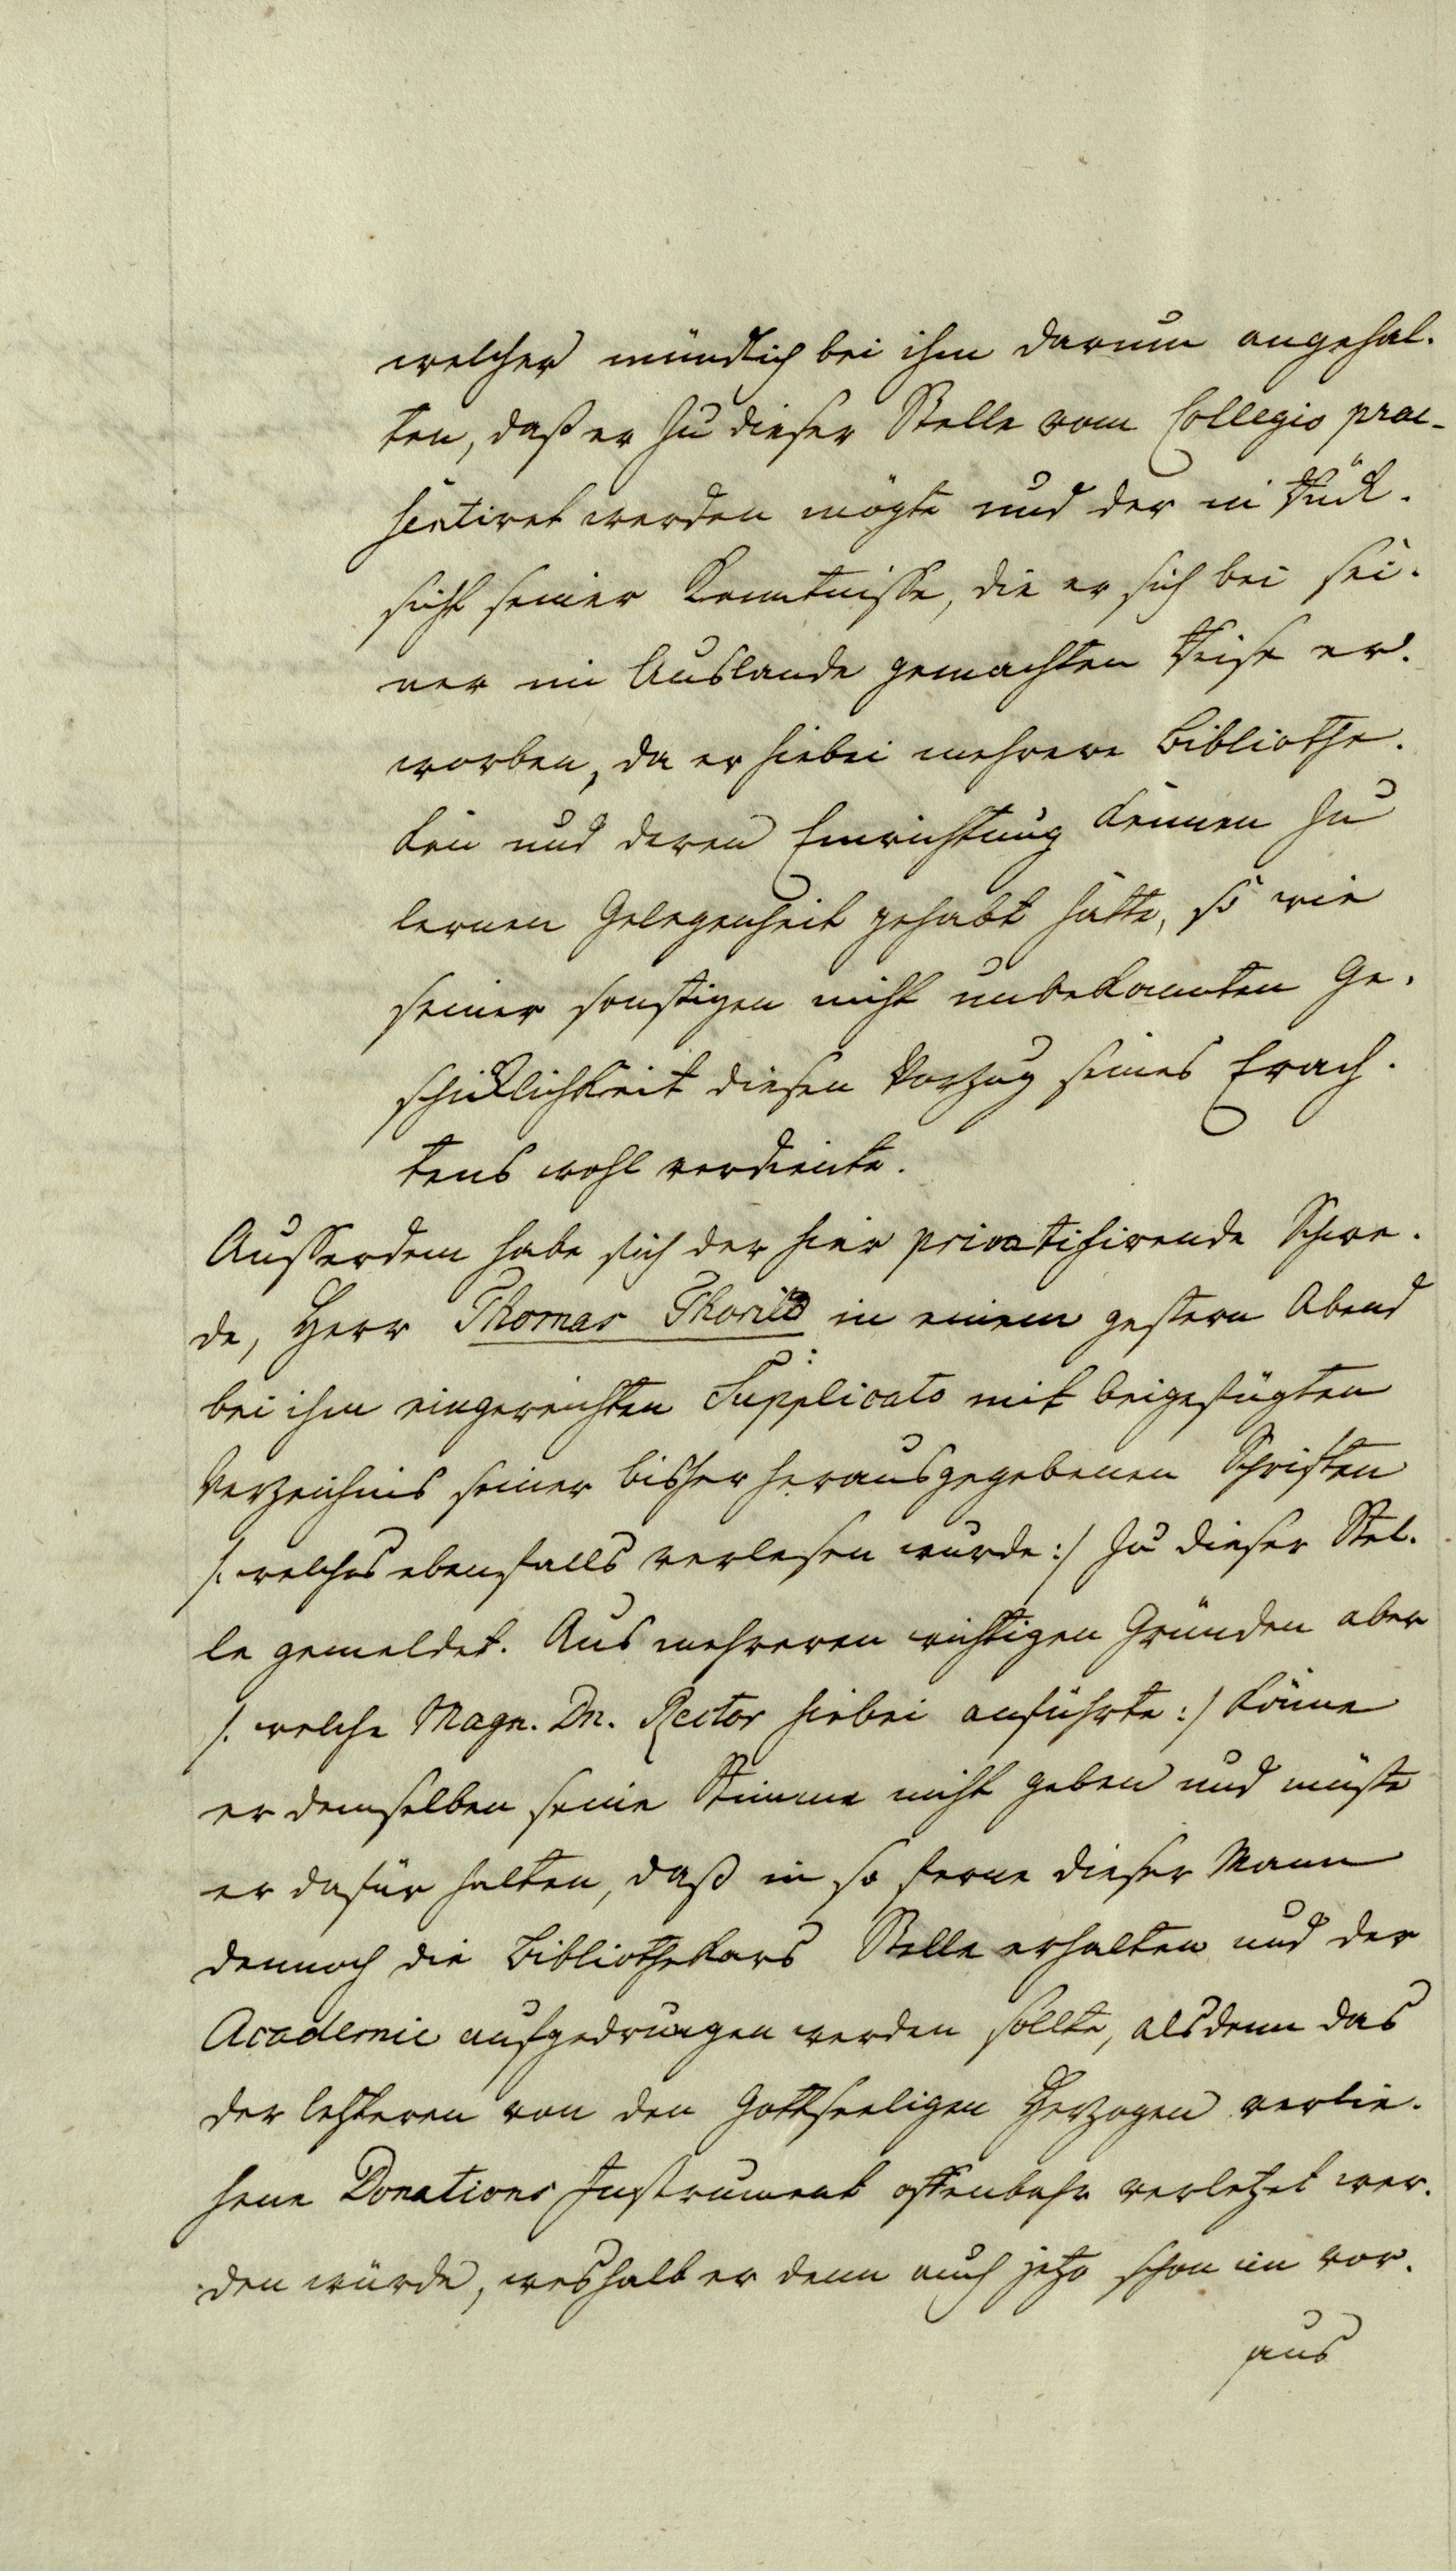welcher mündlich bei ihm darum angehal¬
ten, daß er zu dieser Stelle vom Collegio prae¬
sentiret werden mögte und der in Rück¬
sicht seiner Kenntnisse, die er sich bei sei¬
ner im Auslande gemachten Reise er¬
worben, da er hiebei mehrere Bibliothe¬
ken und deren Einrichtung kennen zu
lernen Gelegenheit gehabt hätte, so wie
seiner sonstigen nicht unbekannten Ge¬
schicklichkeit diesen Vorzug seines Erach¬
tens wohl verdiente.
Ausserdem habe sich der hier privatisirende Schwe¬
de, Herr Thomas Thorild in einem gestern Abend
bei ihm eingereichten Supplicato mit beigefügten
Verzeichnis seiner Bisher herausgegebenen Schriften
/: welches ebenfalls verlesen wurde :/ zu dieser Stel¬
le gemeldet. Aus mehreren richtigen Gründen aber
/: welche Magn. Dn. Rector hiebei anführte :/ könne
er demselben seine Stimme nicht geben und müßte
er dafür halten, daß in so ferne dieser Mann
dennoch die Bibliothekars Stelle erhalten und der
Academie aufgedrungen werden sollte, alsdenn das
der letzteren von den Gottseeligen Herzogen verlie¬
hene Donations Instrument offenbahr verletzt wer¬
den würde, weshalb er denn auch jetzo schon im vor¬
aus